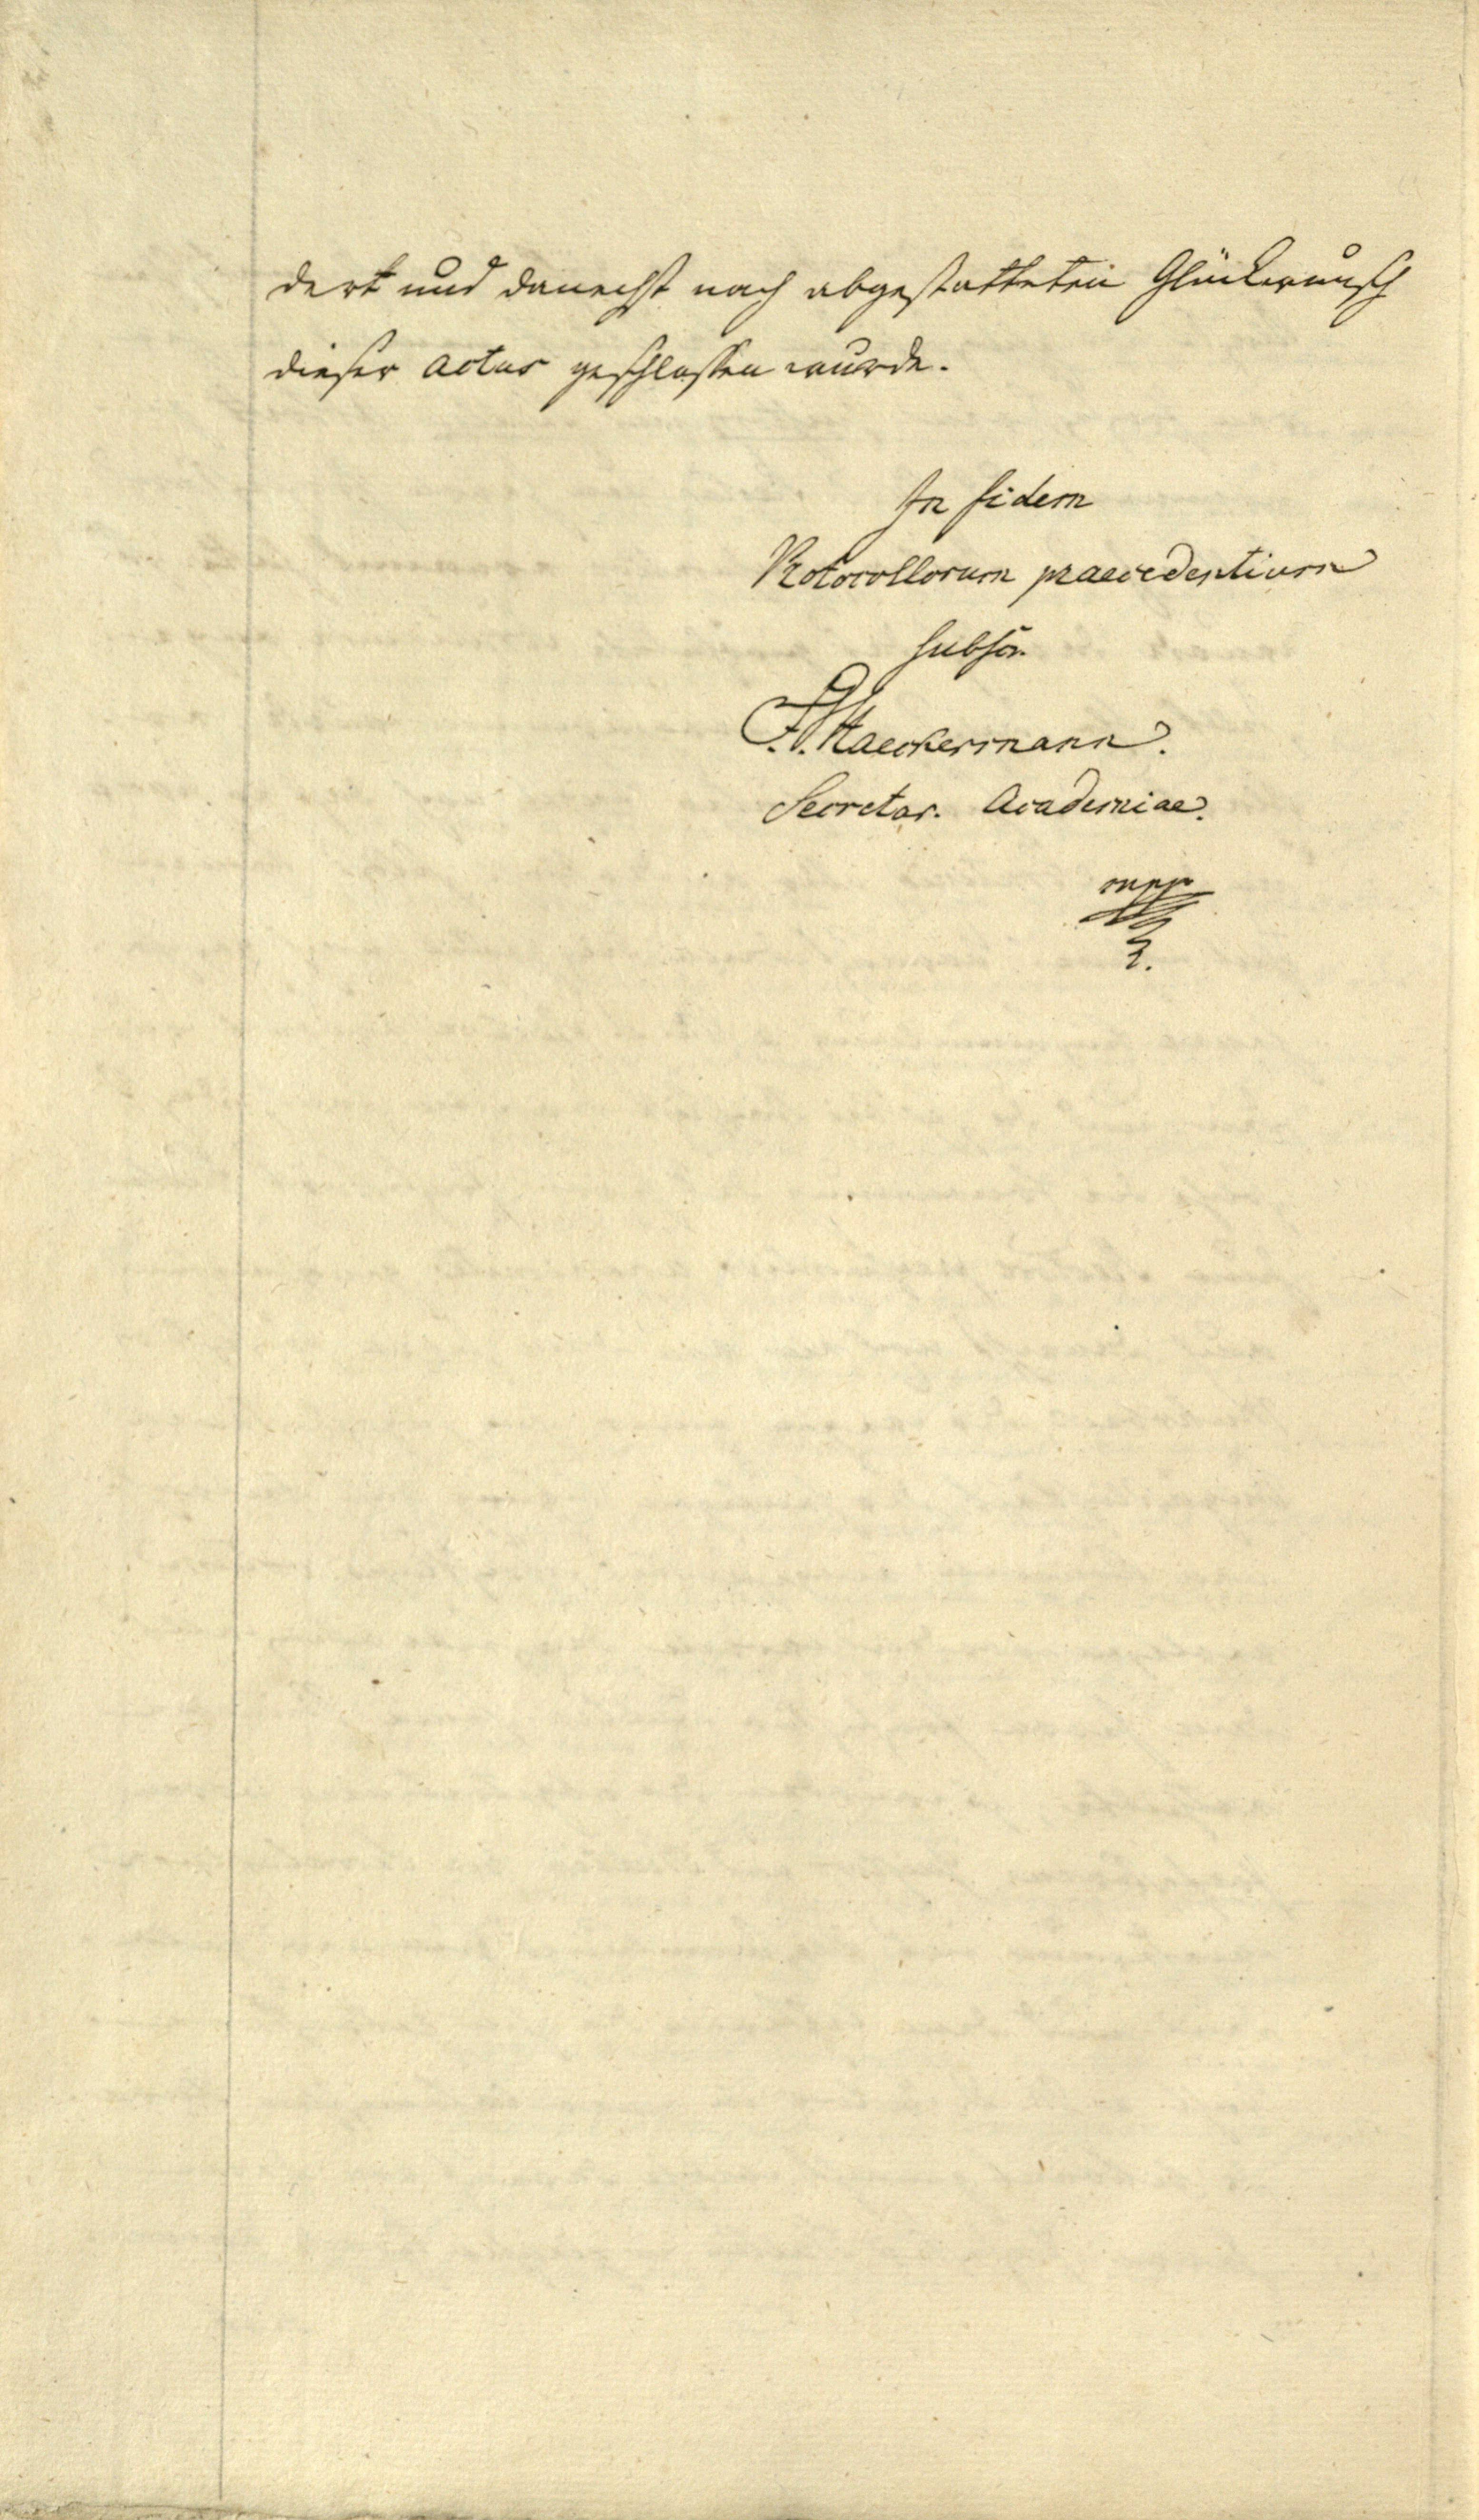dert und danechst nach abgestatteten Glückwunsch
dieser actus geschlossen wurde.
In fidem
Protocollorum praecedentium
subscr.
F.G. Haeckermann.
Secretar. Academiae.
mpp.